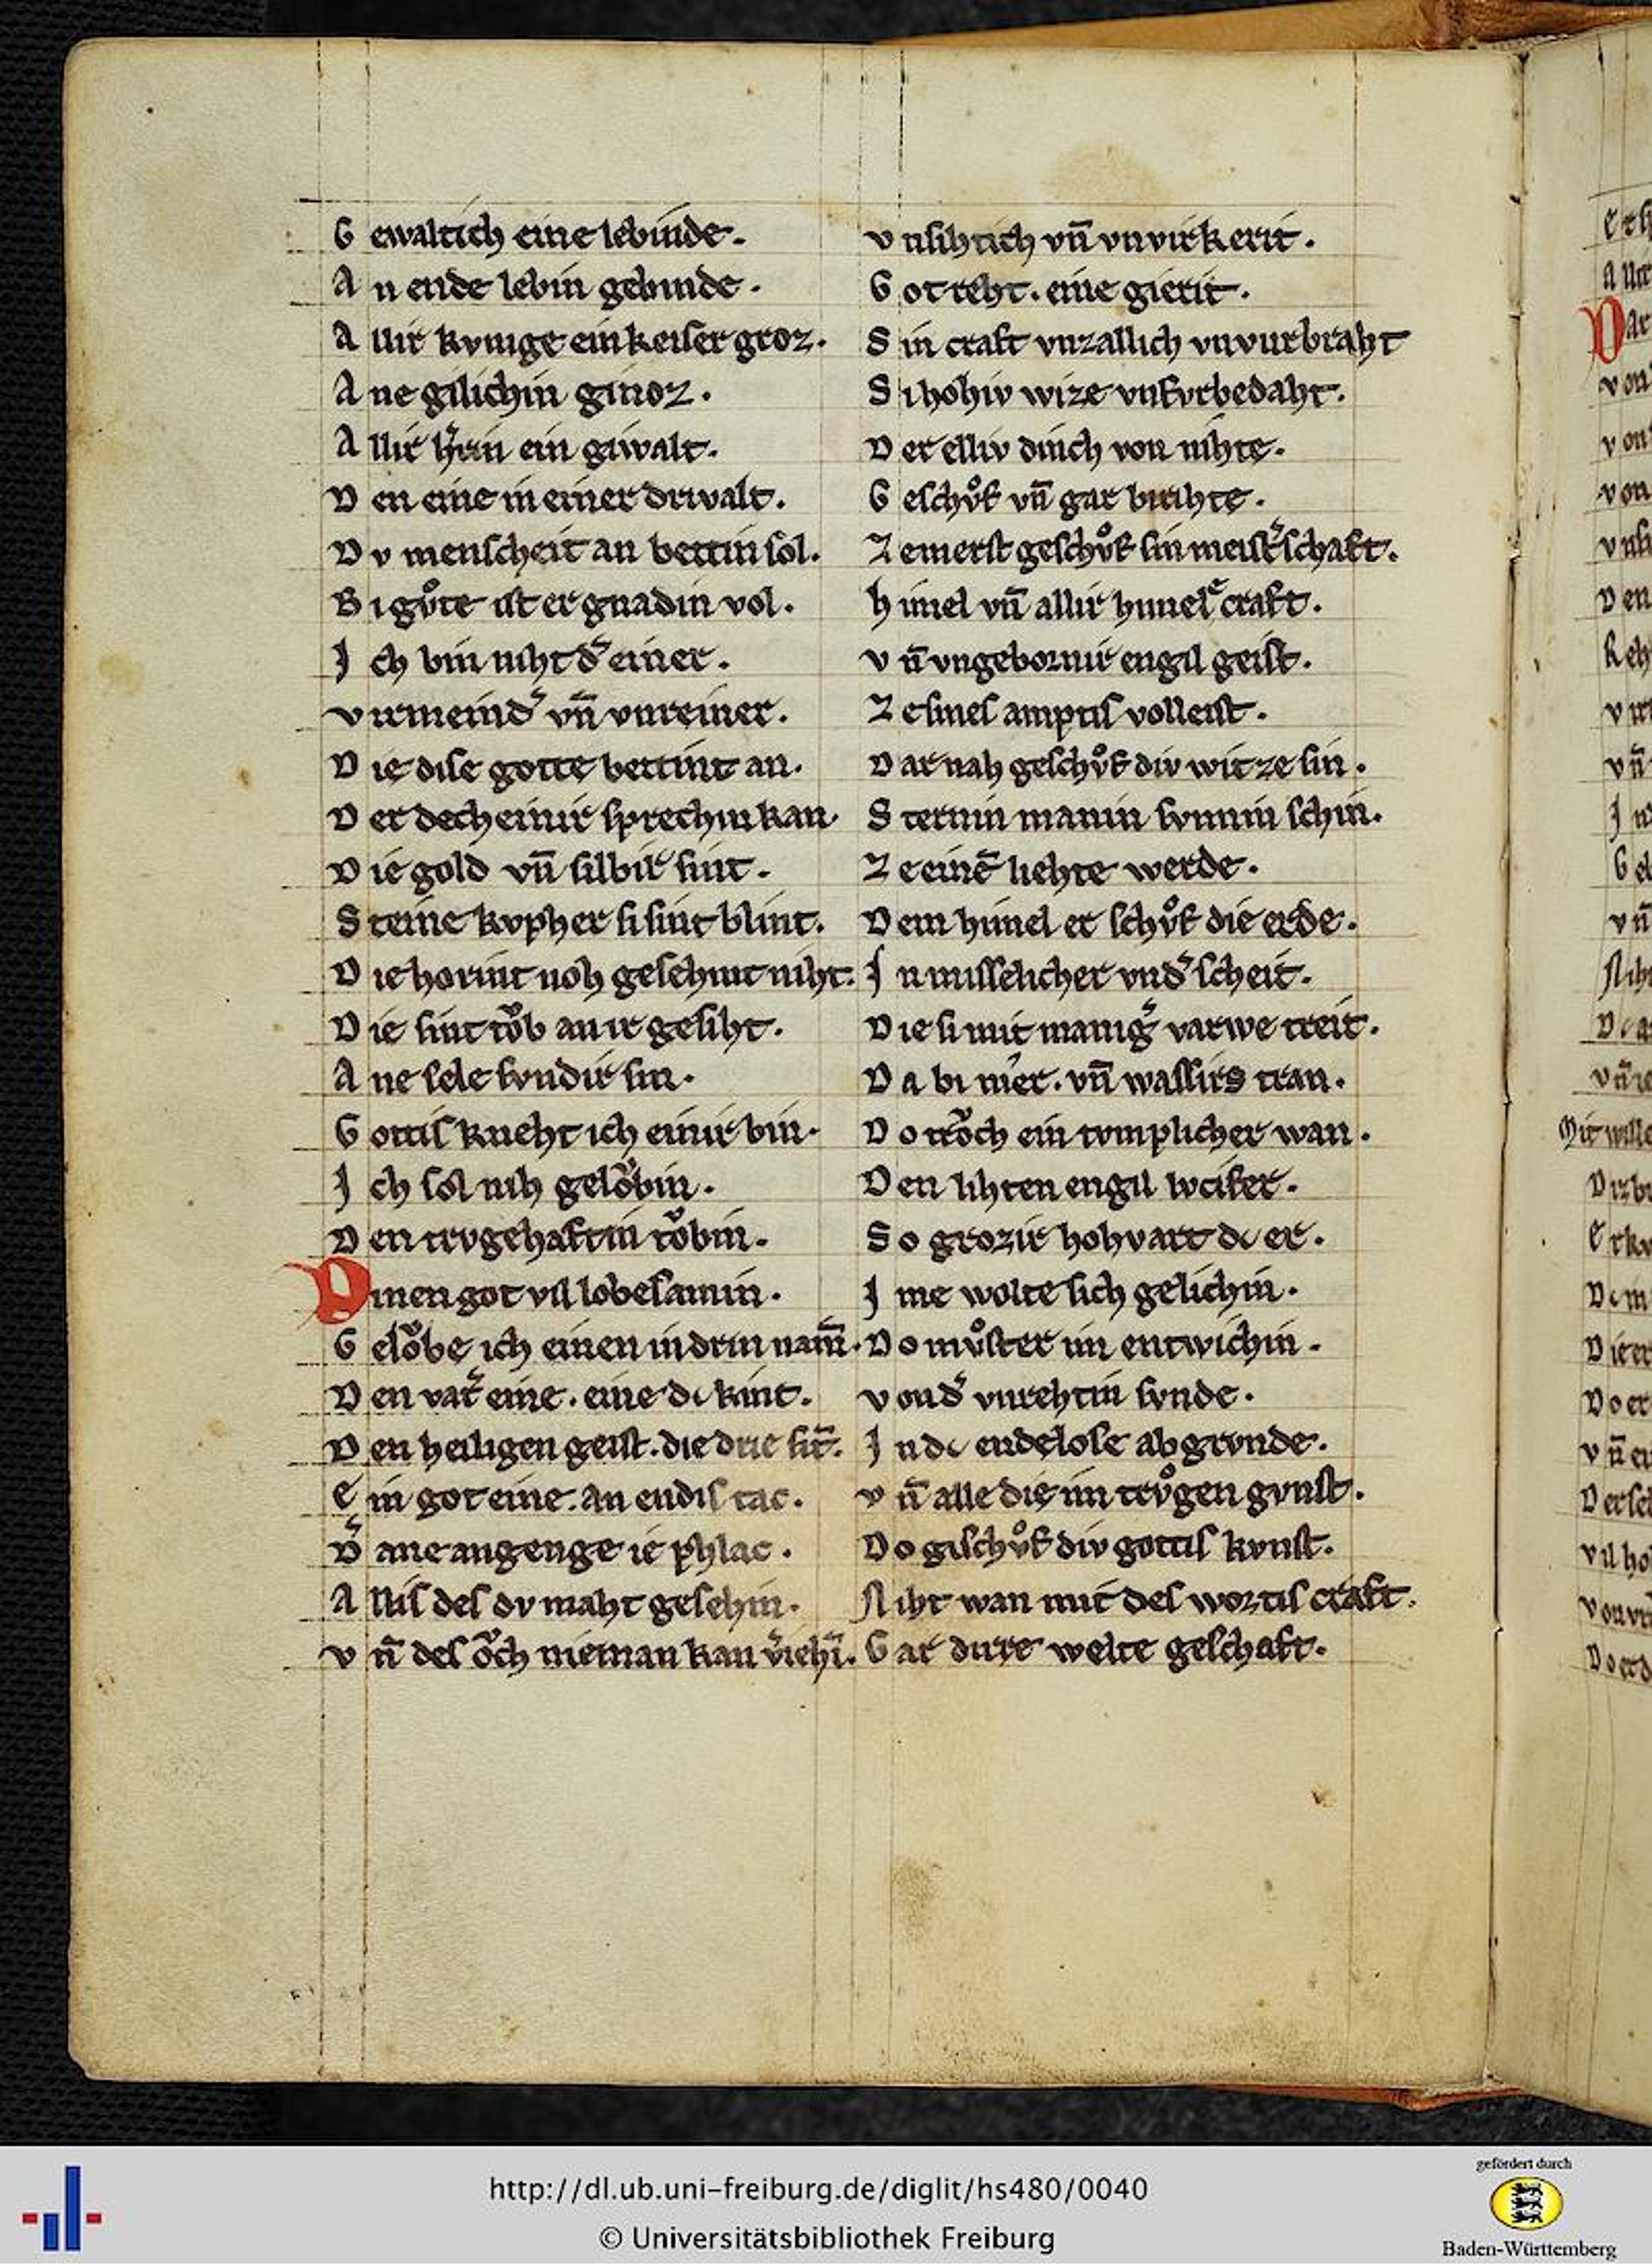Gewaltich eine lebinde.
An ende lebin gebinde.
Allir kvnige ein keiſer groz.
Ane gilichin ginoz.
Allir h(er)rin ein giwalt.
Den eine in einer drivalt.
Dv menſcheit an bettin ſol.
Bi gv°ote iſt er gnadin vol.
Ich bin niht d(er) einer.
Virmeind(er) vn(d) vnreiner.
Die diſe gotte bettint an.
Der dech einir ſprechin kan.
Die gold vn(d) ſilbir ſint.
Steine kvpher ſi ſint blint.
Die horint noh geſehint niht.
Die ſint to°vb an ir geſiht.
Ane ſele ſvndir ſin.
Gottiſ kneht ich einir bin.
Ich ſol nih gelo°vbin.
Den trvgehaftin to°vbin.
*Dinen got vil lobeſamin.
Gelo°vbe ich einen in drin nam(n).
Den vat(er) eine. eine d(az) kint.
Den heiligen geiſt. die drie ſit(n).
Ein got eine. an endiſ tac.
D(er) ane angenge ie phlac.
Alliſ deſ dv maht geſehin.
Vn(d) deſ o°vch nieman kan v(er)iehi(n).
Vnſihtich vn(d) vnvirkerit.
Got reht. eine gierit.
Sin craft vnzallich vnvurbraht
Si hohiv wize vnfvrbedaht.
Der elliv dinch von nihte.
Geſchv°of vn(d) gar birihte.
Zemervt geſchv°of ſin meiſt(er)ſchaft.
himel vn(d) allir himel°(e) craft.
Vn(d) vngebornir engil geiſt.
Zeſineſ amptiſ volleiſt.
Dar nah geſchv°of div witze ſin.
Sternin manin ſvnnin ſchin.
Ze eine(m) liehte werde.
Dem himel er ſchv°of die erde.
In miſſelicher vnd(er)ſcheit.
Die ſi mit manig(er) varwe treit.
Da bi mer. vn(d) waſſirs tran.
Do tro°vch ein tvmplicher wan.
Den lihten engil lvcifer.
So grozir hohvart d(az) er.
Ime wolte ſich gelichin.
Do mv°oſter im entwichin.
Von d(er) vnrehtin ſvnde.
In d(az) endeloſe abgrvnde.
Vn(d) alle die im trv°ogen gvnſt.
Do giſchv°of div gottiſ kvnſt.
Niht wan mit deſ wortiſ craft.
Gar dirre welte geſchaft.